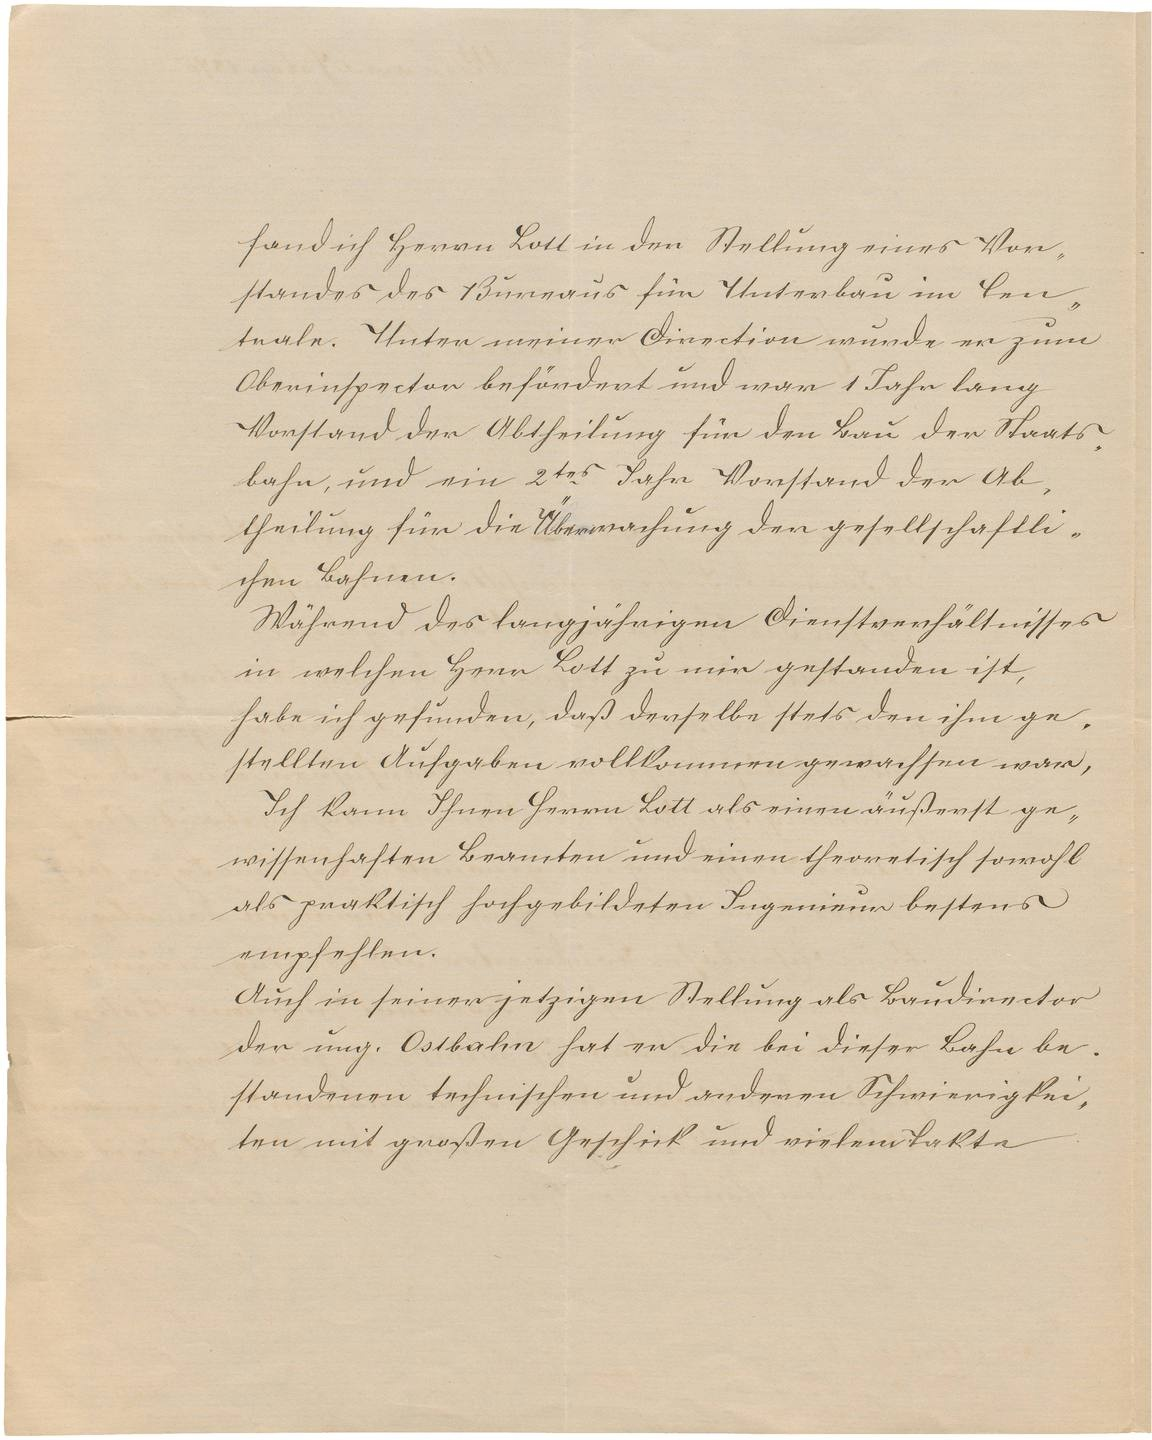fand ich Herrn Lott in der Stellung eines Vor-
standes des Bureaus für Unterbau im Cen-
trale. Unter meiner Direction wurde er zum
Oberinspector befördert und war 1 Jahr lang
Vorstand der Abtheilung für den Bau der Staats-
bahn, und ein 2tes Jahr Vorstand der Ab-
theilung für die Überwachung der gesellschaftli-
chen Bahnen.
Während des langjährigen Dienstverhältnisses
in welchen Herr Lott zu mir gestanden ist,
habe ich gefunden, daß derselbe stets den ihm ge-
stellten Aufgaben vollkommen gewachsen war.
Ich kann Ihnen Herrn Lott als einen äußerst ge-
wissenhaften Beamten und einen theoretisch sowohl
als praktisch hochgebildeten Ingenieur bestens
Auch in seiner jetzigen Stellung als Baudirector
der ung. Ostbahn hat er die bei dieser Bahn be
standenen technischen und anderen Schwierigkei-
ten mit großem Geschick und vielem Takte